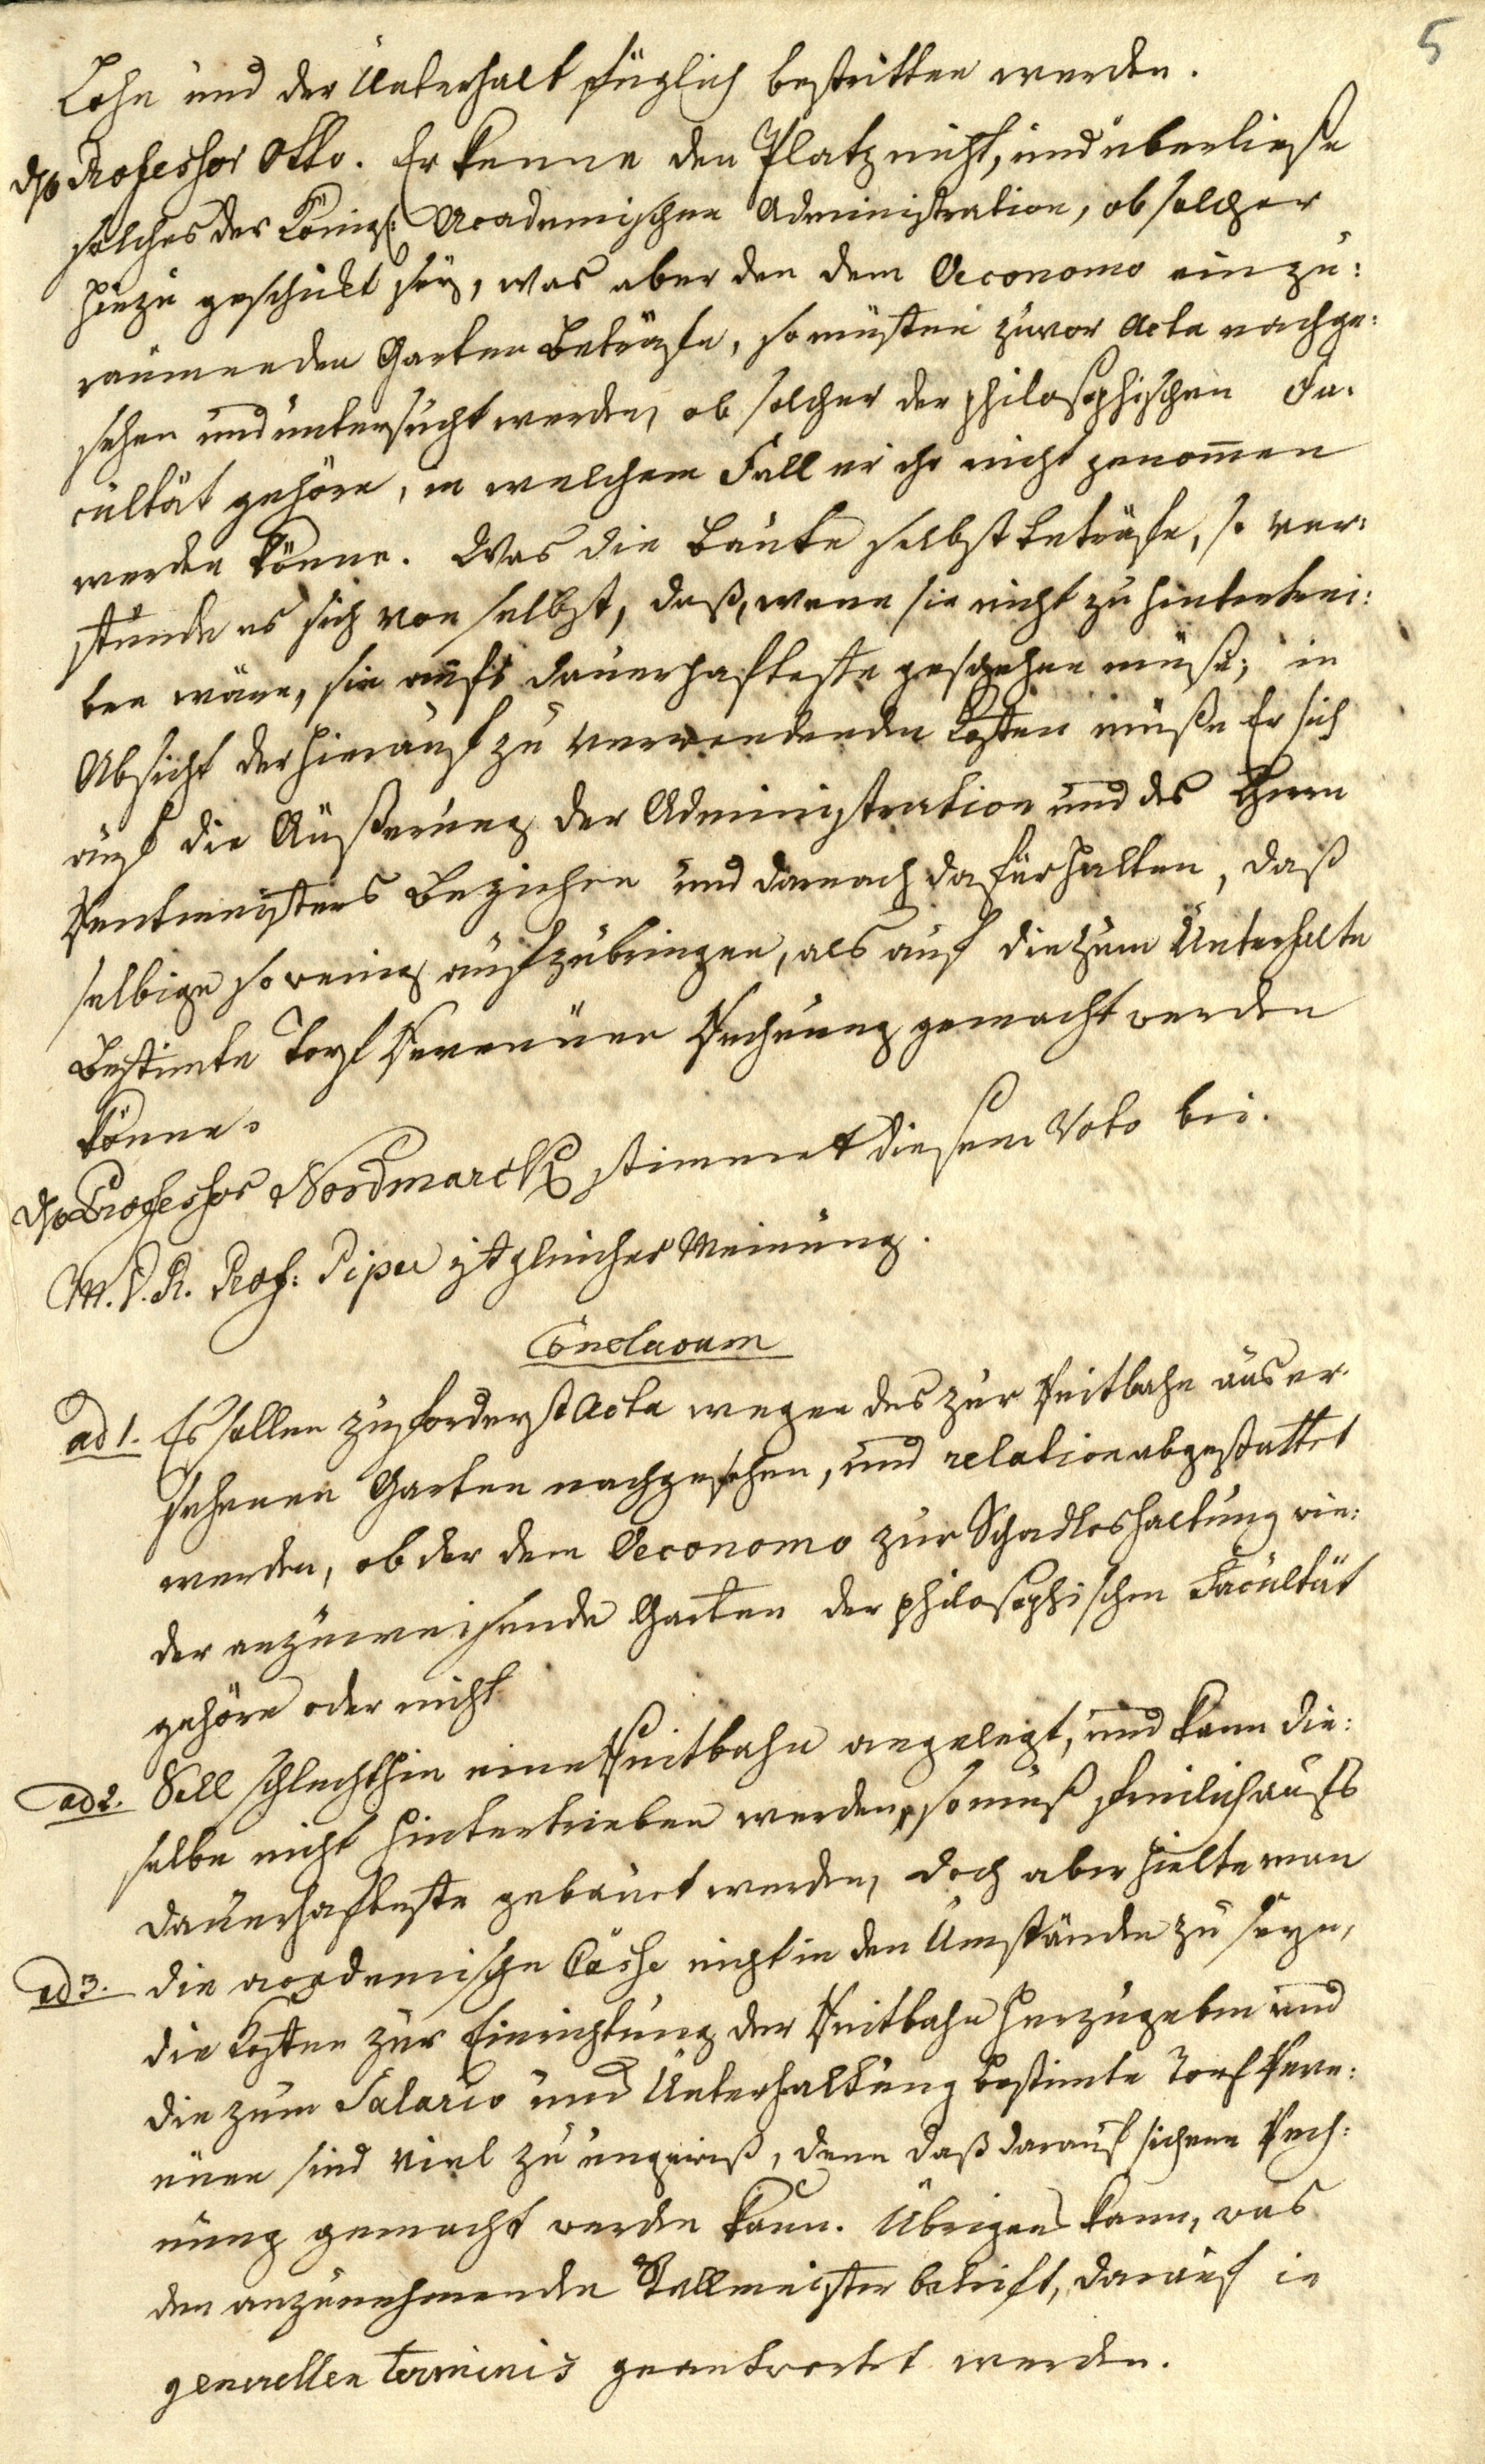Lohn und der Unterhalt füglich bestritten werden.
dh Professor Otto. Er. kenne den Platz nicht, und überließe
solches der Königl. Academischen Administration, ob solcher
hiezu geschickt seÿ, was aber den dem Oeconomo einzu¬
räumenden Garten beträfe, so müsten zuvor Acta nachge¬
sehen und untersucht werden, ob solcher der philosophischen Fa¬
cultät gehöre, in welchem Fall er ihr nicht genomen
werden könne. Was die Baute selbst beträfe, so ver¬
stünde es sich von selbst, daß, wenn sie nicht zu hietertrie¬
ben wäre, sie aufs dauerhafteste geschehen müße, in
Absicht der hierauf zu verwendenden Kosten müße Er sich
auf die Äußerung der Administration und des Herrn
Rentmeisters beziehen und darnach dafürhalten, daß
selbige so wenig aufzubringen, als auf die zum Unterhalte
bestimte Torf Revenuen Rechnung gemacht werden
könne.
dh Professor Nordmarck stimmet diesem Voto bei.
M.D.R. Prof. Piper ist gleicher Meinung.
Conclusum
ad 1. Es sollen zuforderst Acta wegen des zur Reitbahn auser¬
sehenen Garten nachgesehen, und relation abgestattet
werden, ob der dem Oeconomo zur Schadloshaltung wie¬
der eizuweisende Garten der philosophischen Facultät
gehöre oder nicht
ad 2. Soll schlechthin eine Reitbahn angelegt, und kann die¬
selbe nicht hintertrieben werden, so muß freilich aufs
dauerhafteste gebauet werden, doch aber hielte man
ad 3. die academische Casse nicht in den Umständen zu seÿn,
die Kosten zur Einrichtung der Reitbahn herzugeben und
die zum Salario und Unterhaltung bestimmte Torf Reve¬
nuen sind viel zu ungewiß, denn daß darauf sichere Rech¬
nung gemacht werden kann. Übrigens kann, was
den anzunehmenden Stallmeister betrift, darauf in
generellen Terminis geantwortet werden.